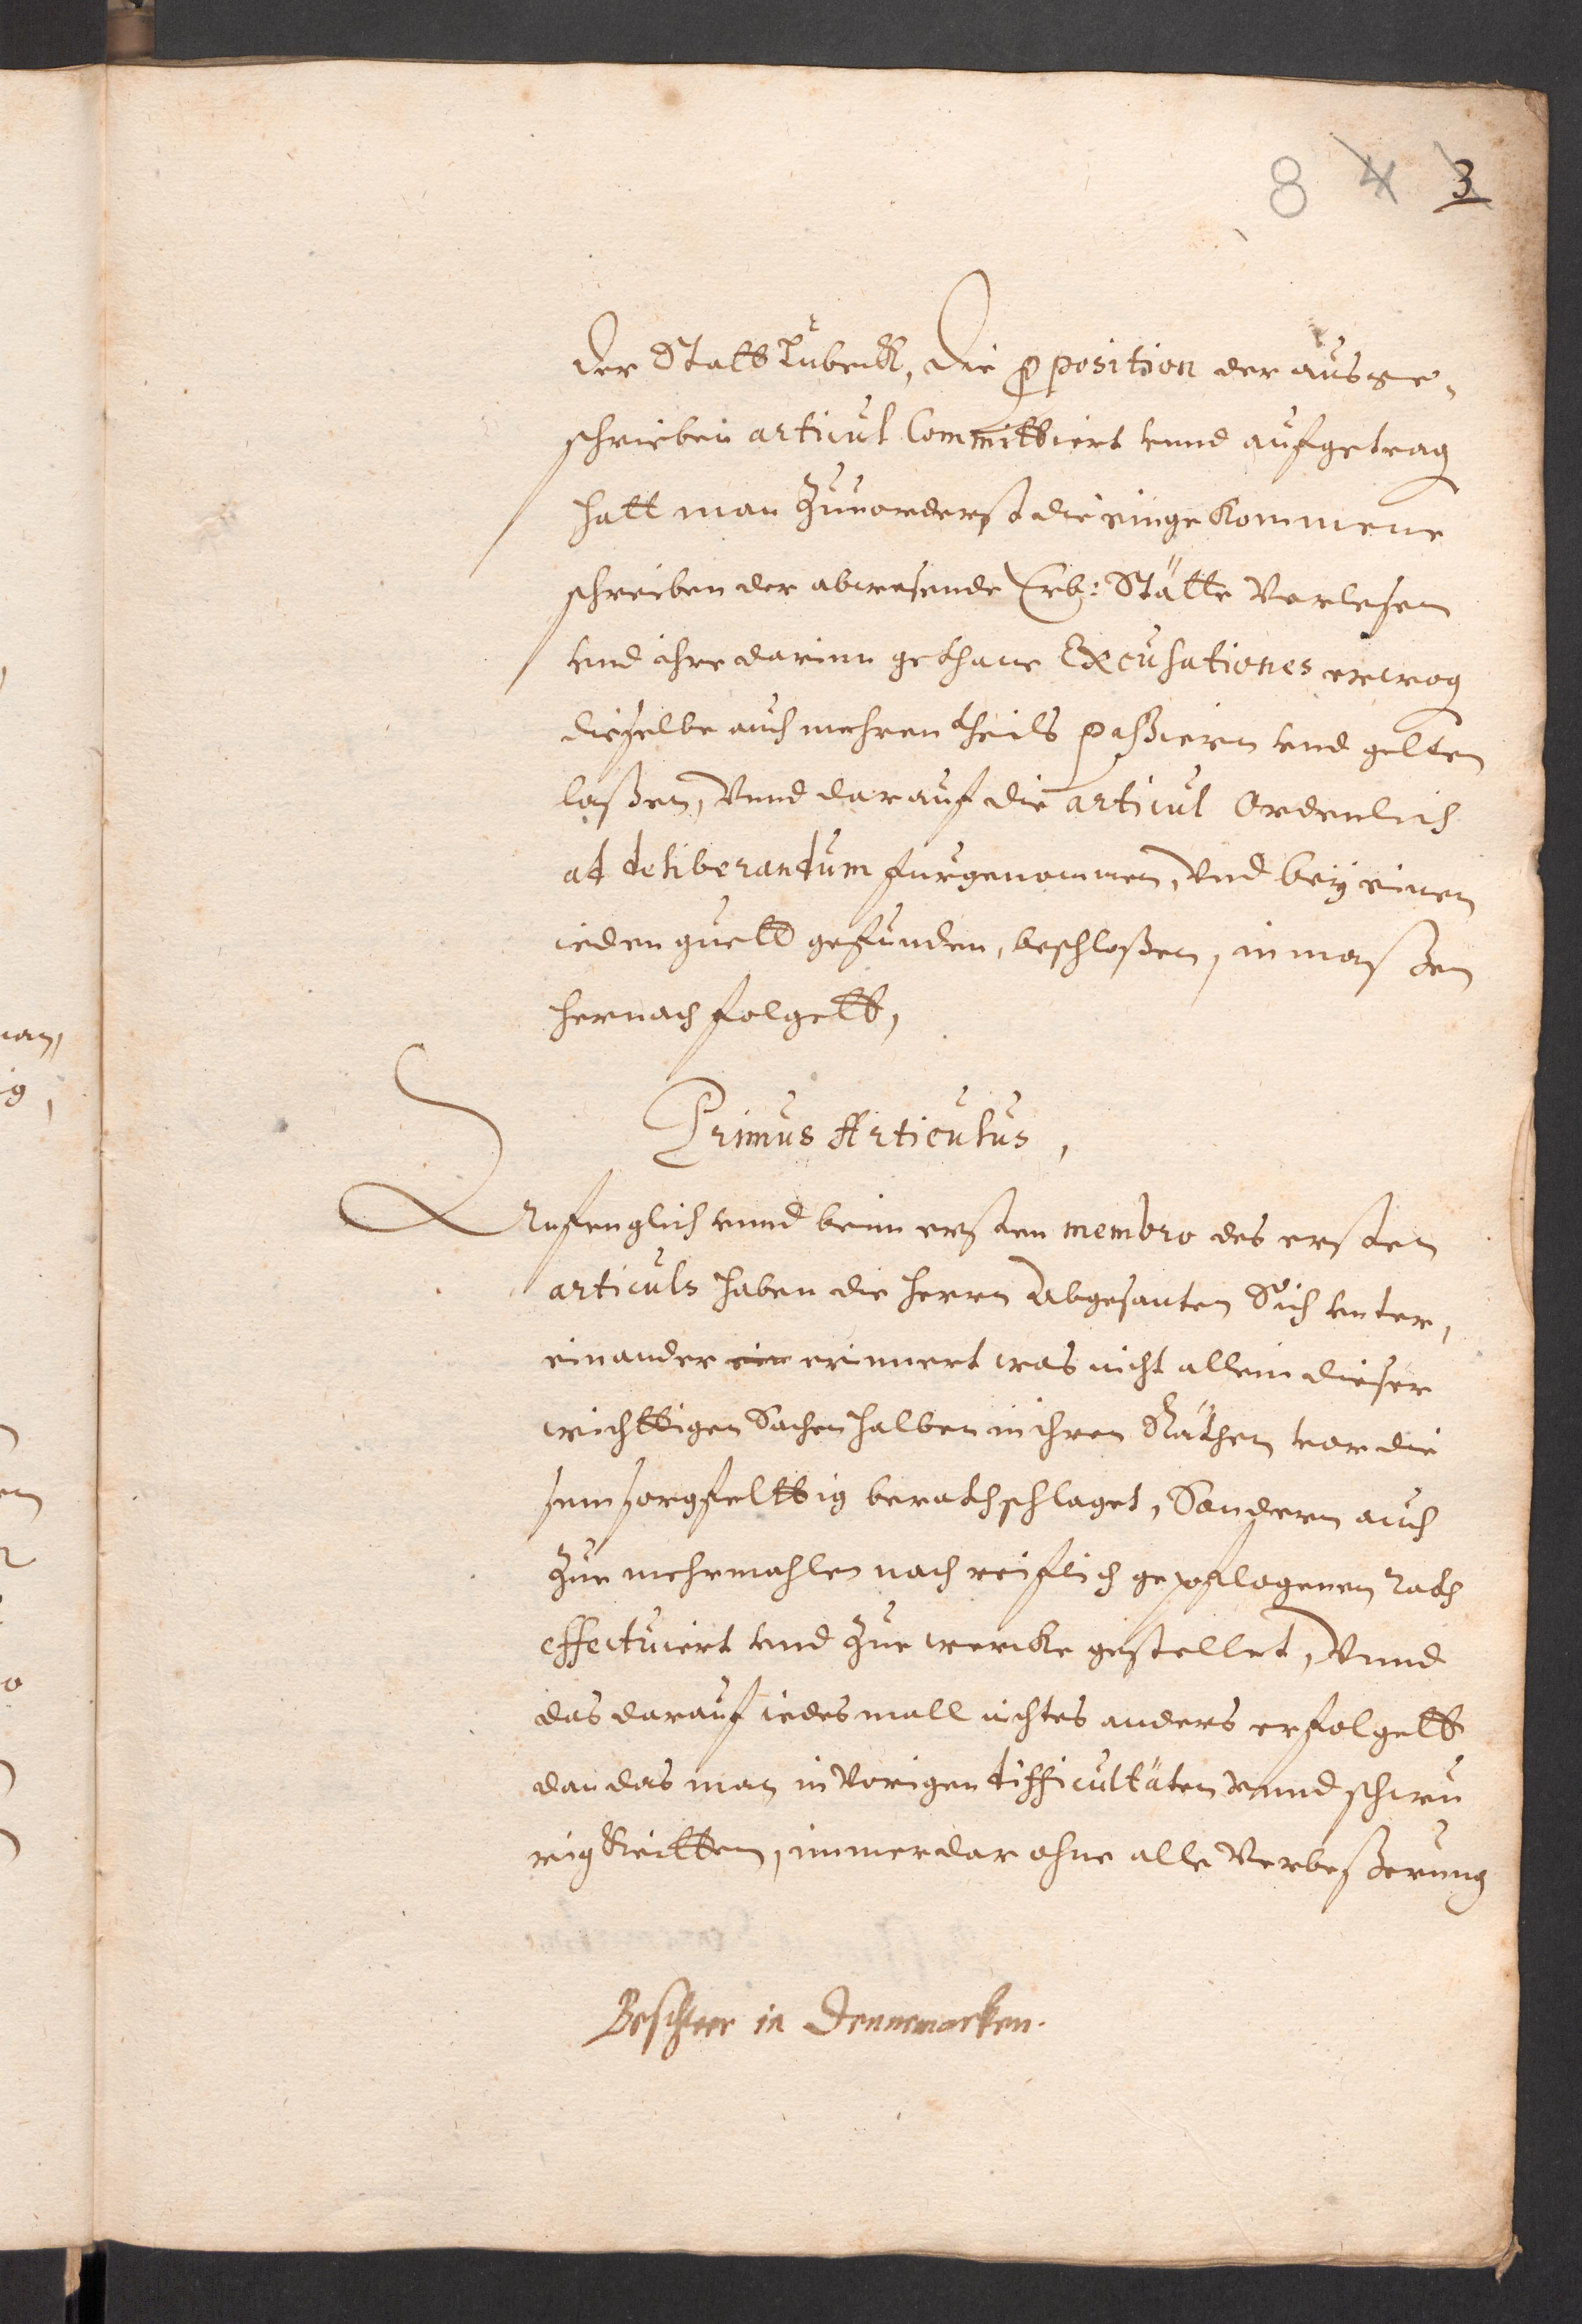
3
der Statt Lubeck, die praeposition der ausge¬
schrieben articul Committiert vnnd aufgetragen
hatt man zuuorderst die eingekommene
schreiben der abwesende Erb: Stätte vorlesen
vnd ihre darinn gethane Excusationes erwogen
dieselbe auch mehren theils passiern vnd gelten
laßen, Vnnd darauf die articul Ordenlich
ad deliberandum furgenommen, Vnd beij einen
ieden guett gefunden, beschloßen, in maßen
hernach folgett,
Primus Articulus,
Anfenglich vnnd beim ersten membro des ersten
articuls haben die herrn Abgesanten Sich vnter¬
einander ein erinnert was nicht allein dieser
wichttigen Sachen halben in ihren Räthen vor die
sem sorgfelttig berathschlaget, Sondern auch
zue mehrmahlen nach reiflich gepflogenen rath
effectuiert vnd zue wercke gestellet, Vnnd
das darauf iedes mall nichtes anders erfolgett
dan das man in vorigen difficultäten vnnd schwu
rigkeitten, immerdar ohne alle verbeßerung
Beschwer in Dennemarken.
